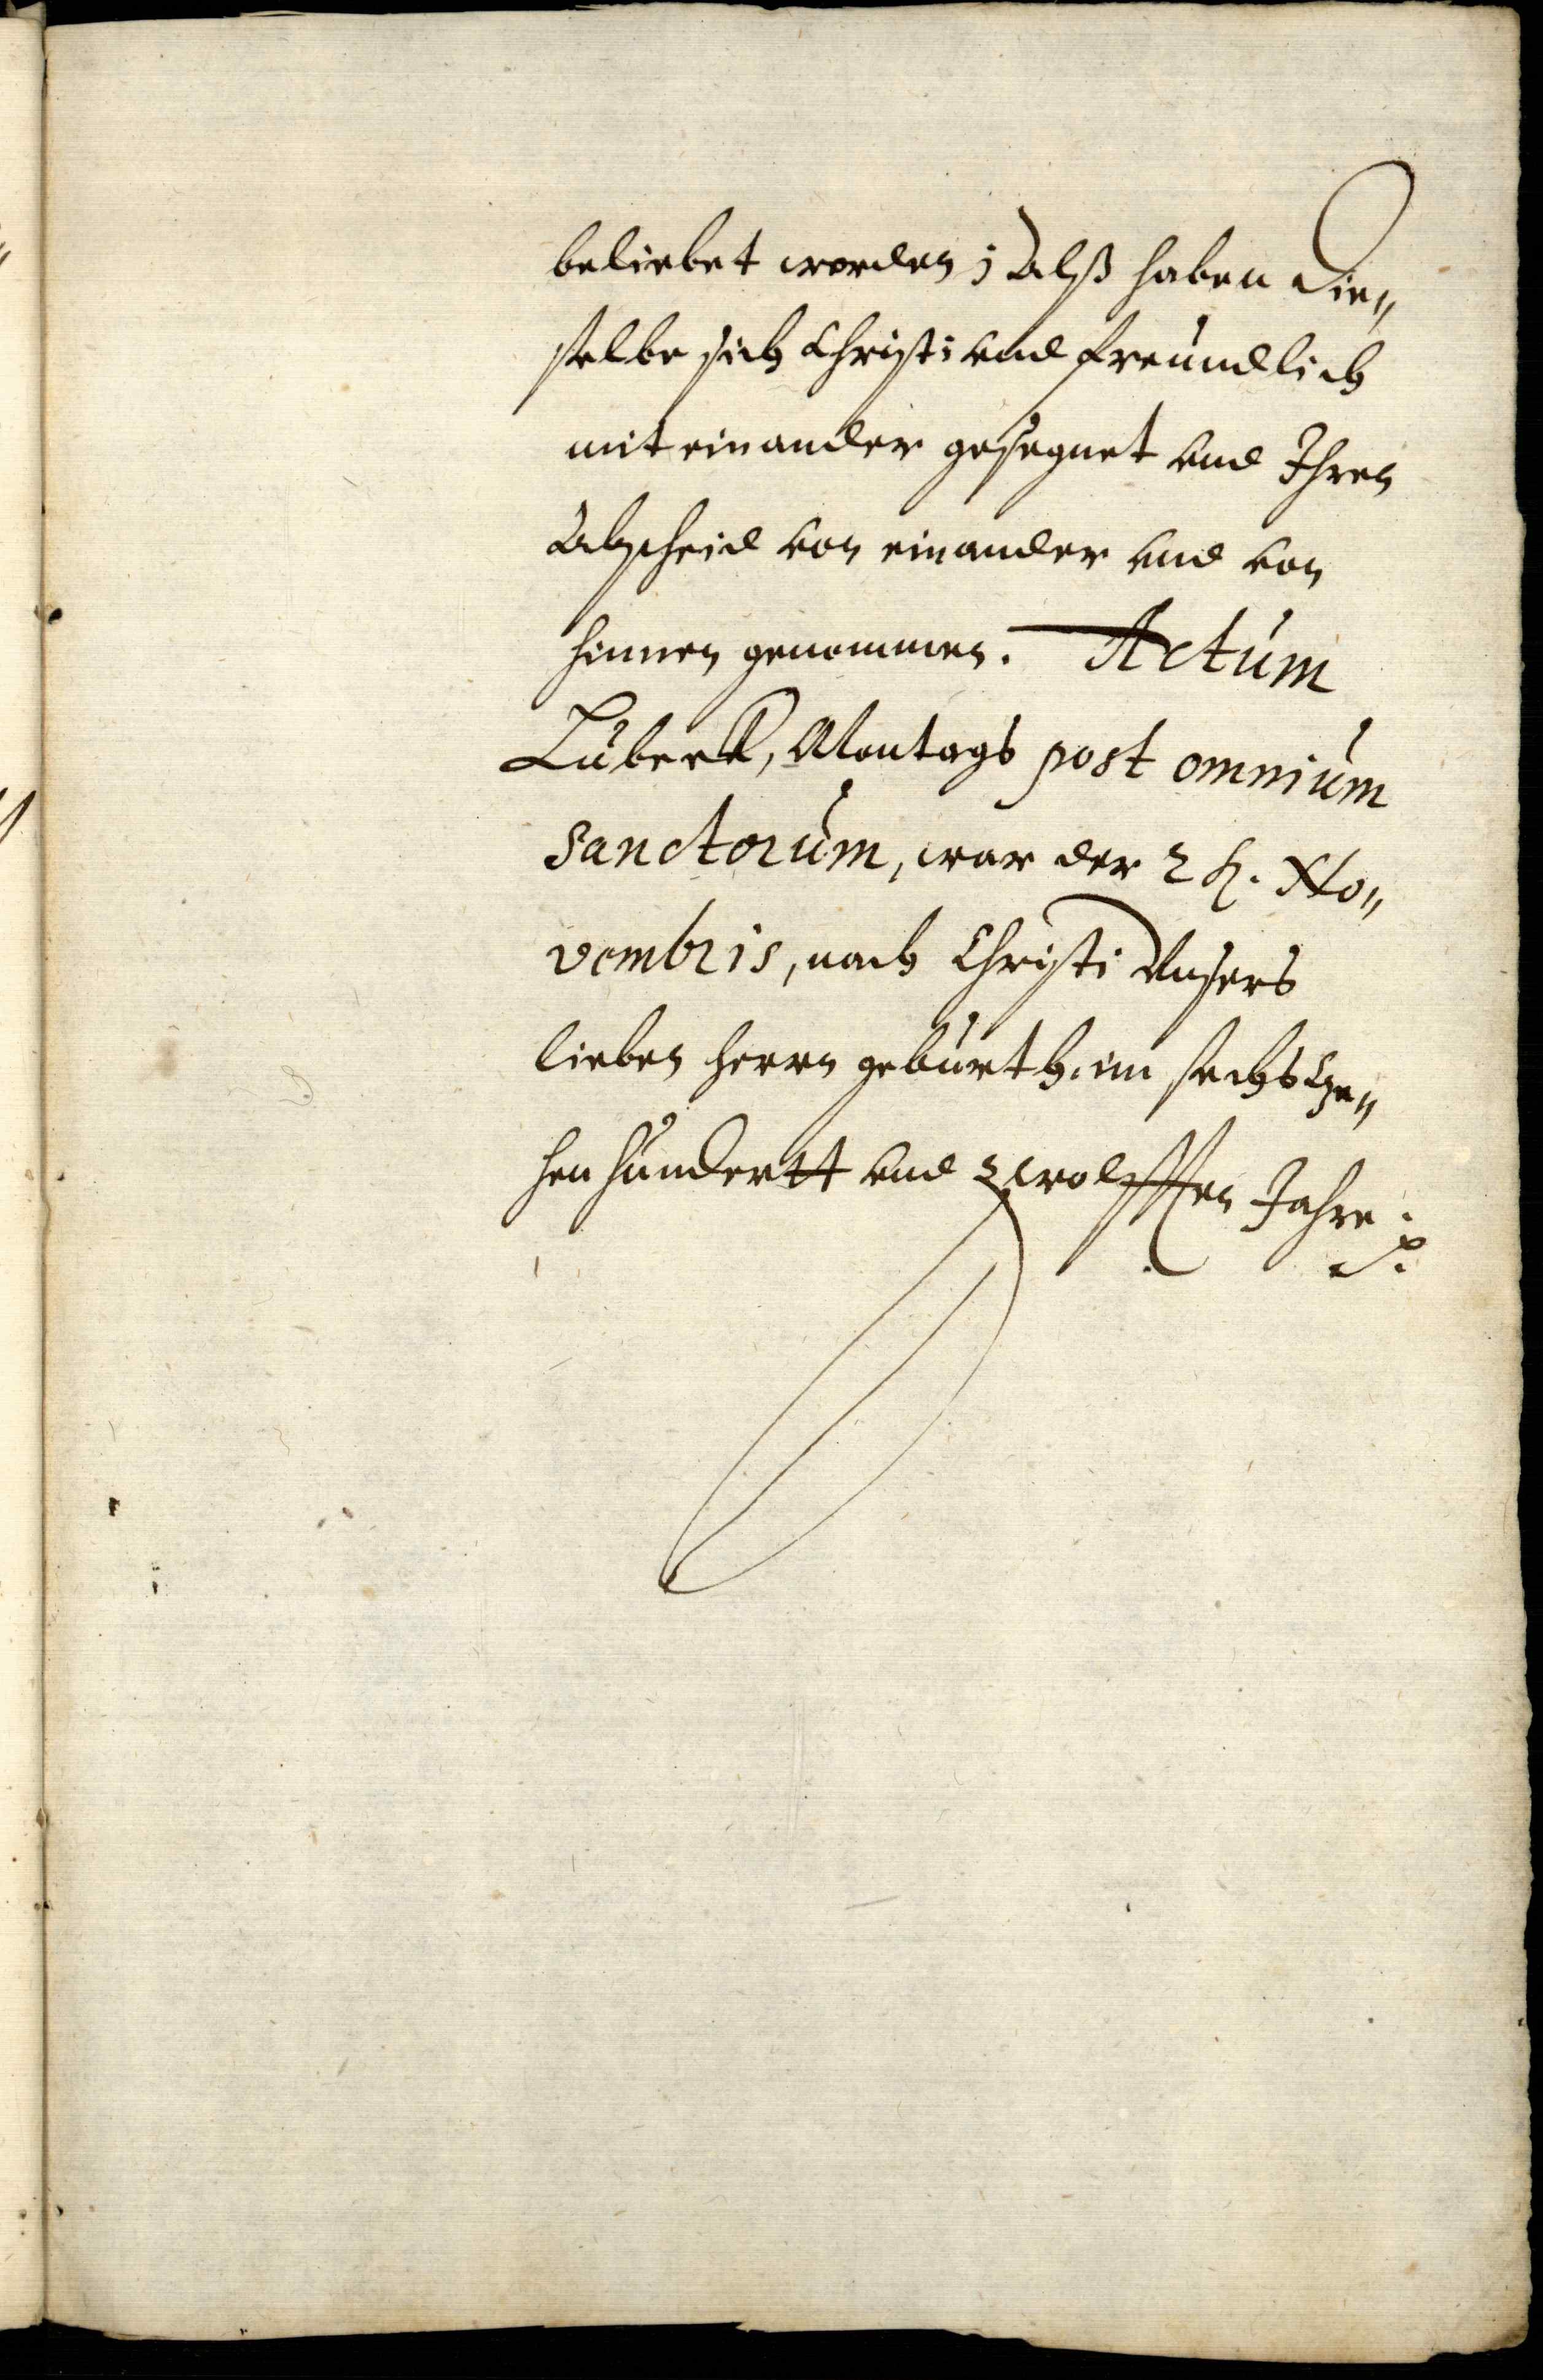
beliebet worden; Alß haben Die¬
selbe sich Christ: vnd freundlich
mit einander gesegnet vnd Ihren
Abscheid von einander vnd von
hinnen genommen. Actum
Lubeck, Montags post omnium
sanctorum, war der 2ten. No¬
vembris, nach Christi Vnsers
lieben herrn geburth, im sechstze¬
hen hundertt vnd zwolfften Jahre p
